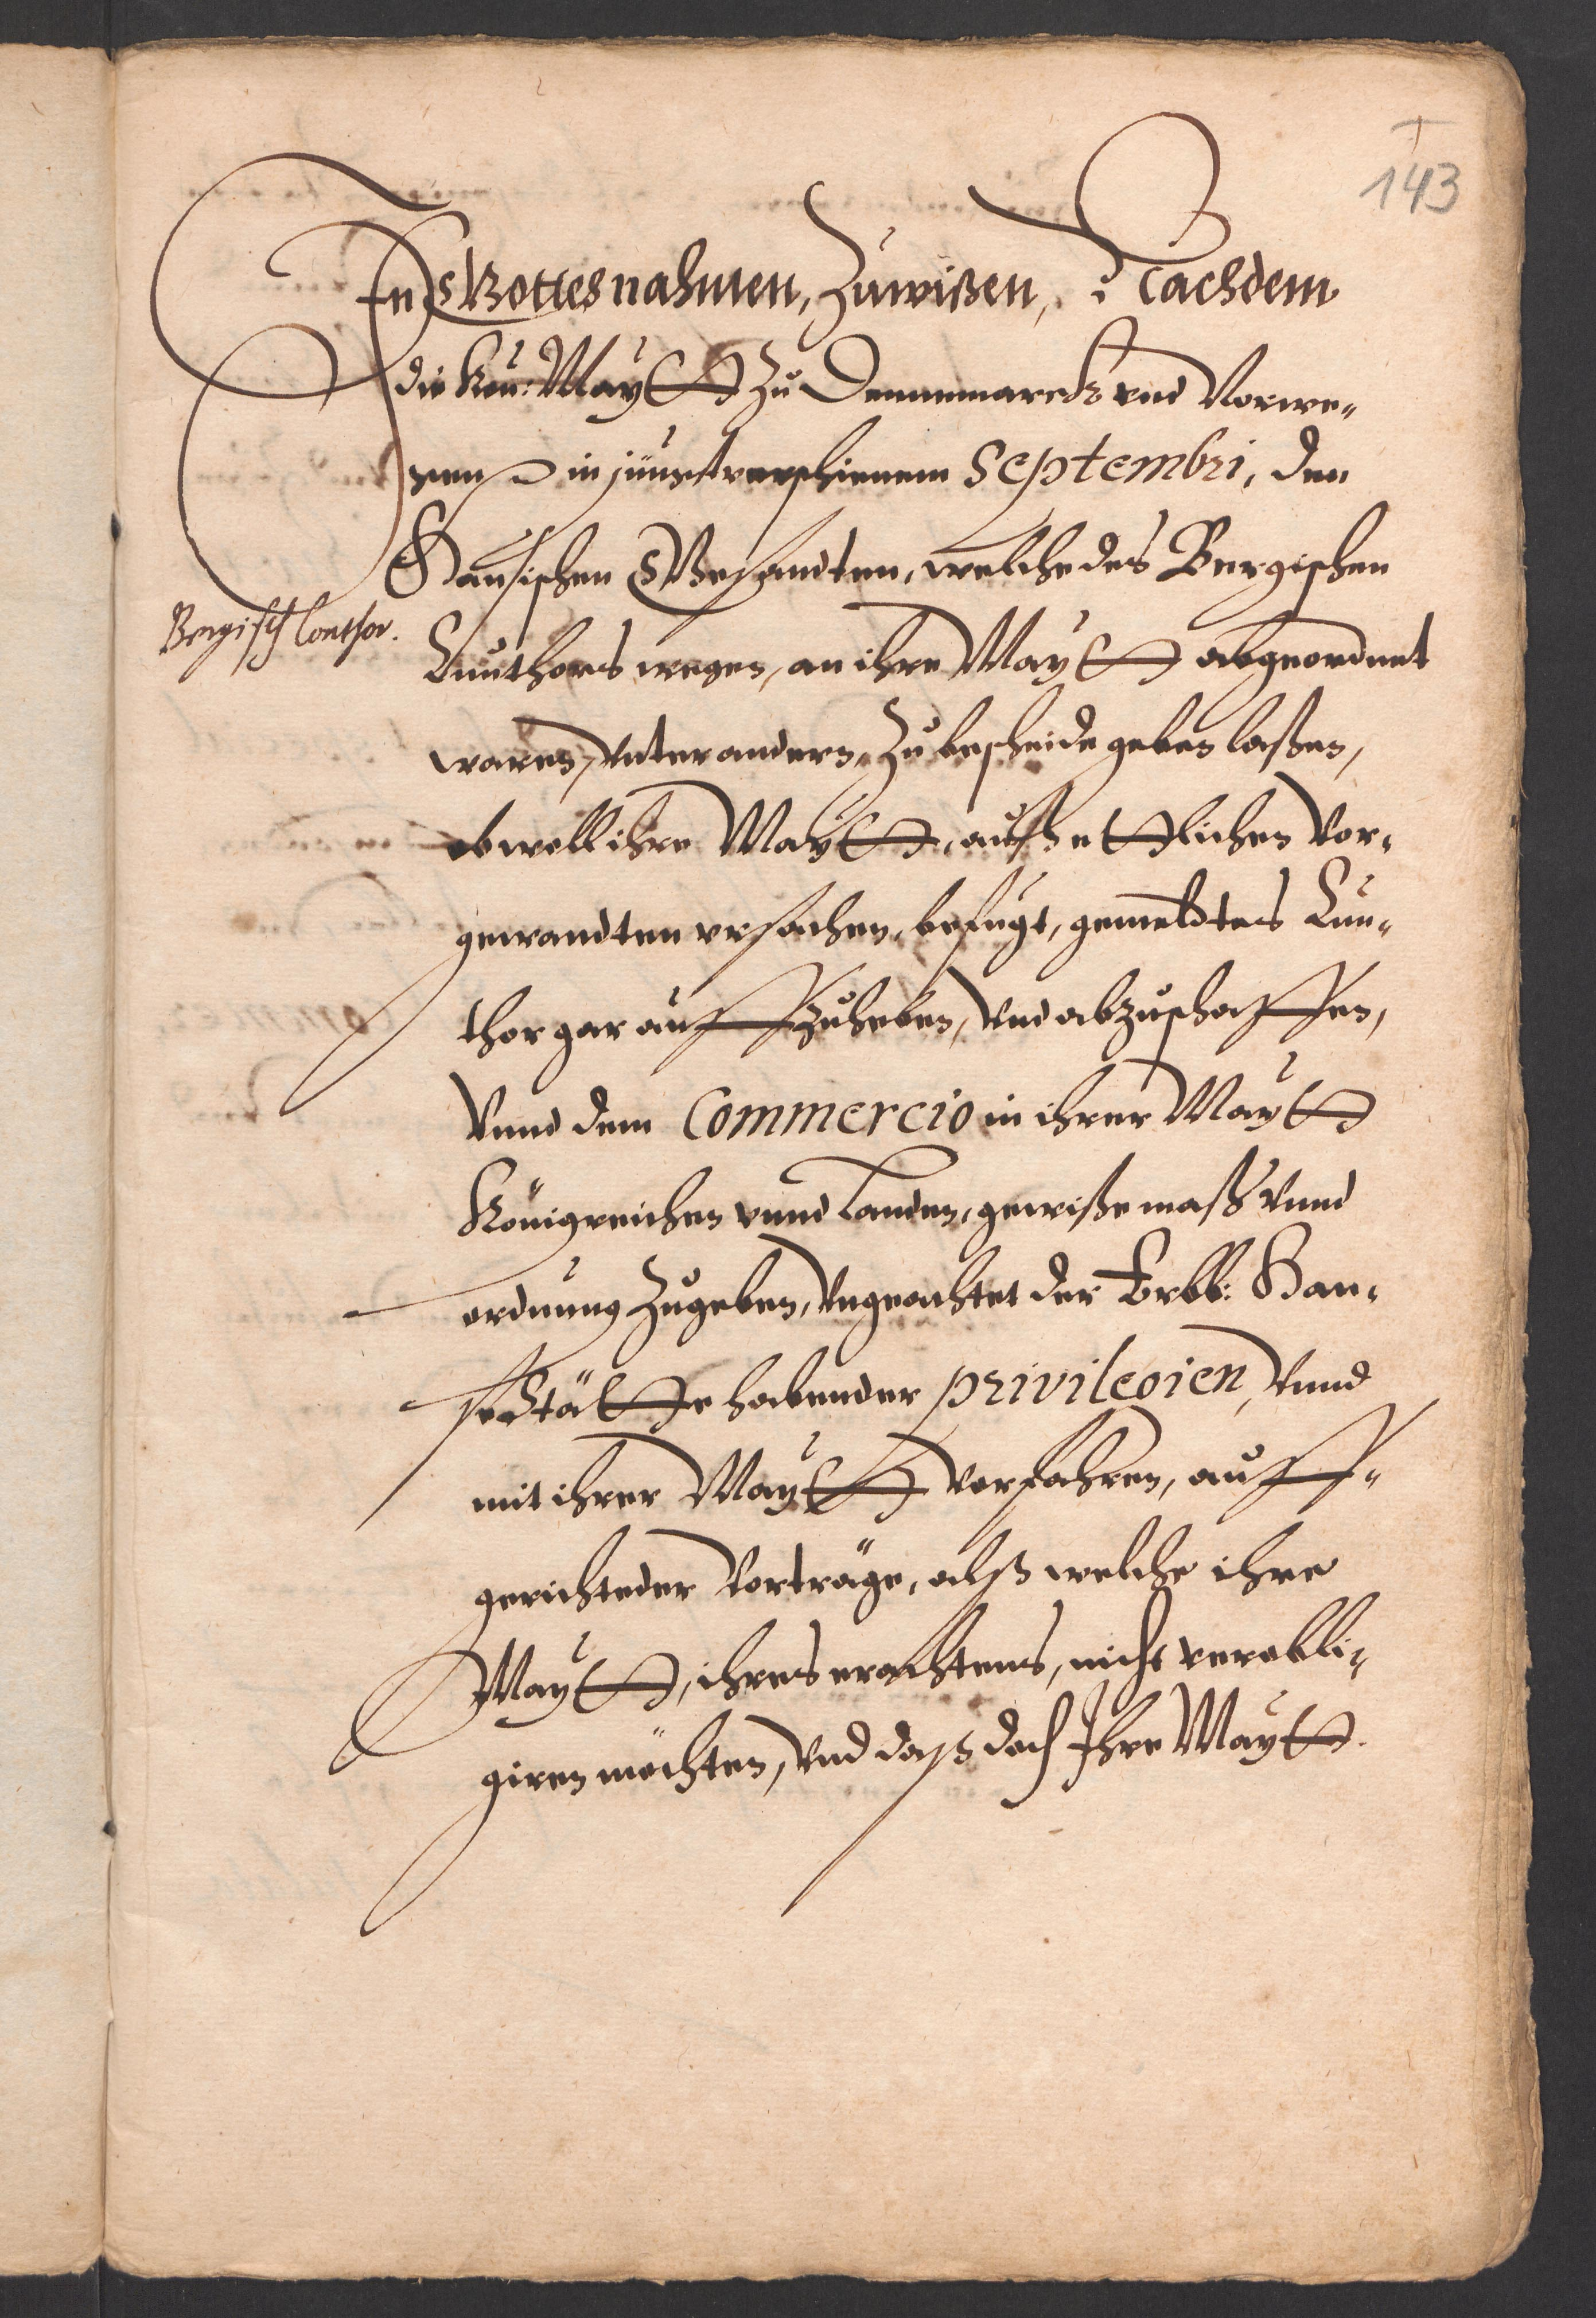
In Gottes nahmen, zuwißen, Nachdem
die kon: Maytt zu Dennemarck vnd Norwe¬
gen p in jüngstverschienem Septembri, den
Hansischen Gesandten, welche des Bergischen
Cunthors wegen, an ihre Maytt abgeordnet
waren, vnter andern, zu bescheide geben laßen,
ob woll ihre Maytt, auß ettlichen vor¬
gewandten vrsachen, befugt, gemeldtes Cun¬
thor gar auffzuheben, vnd abzuschaffen,
vnnd denn Commercio in ihrer Maytt
königreichen vnnd Landen, gewiße maß vnnd
ordnung zugeben, vngeachtet der Erbb: Han¬
se Stätte habender privilegien, vnnd
mit ihrer Maytt vorfahren, auff¬
gerichteder vorträge, alß welche ihre
Maytt, ihres erachtens, nicht verobli¬
giren möchten, vnd daß doch Ihre Maytt
Bergisch Conthor
